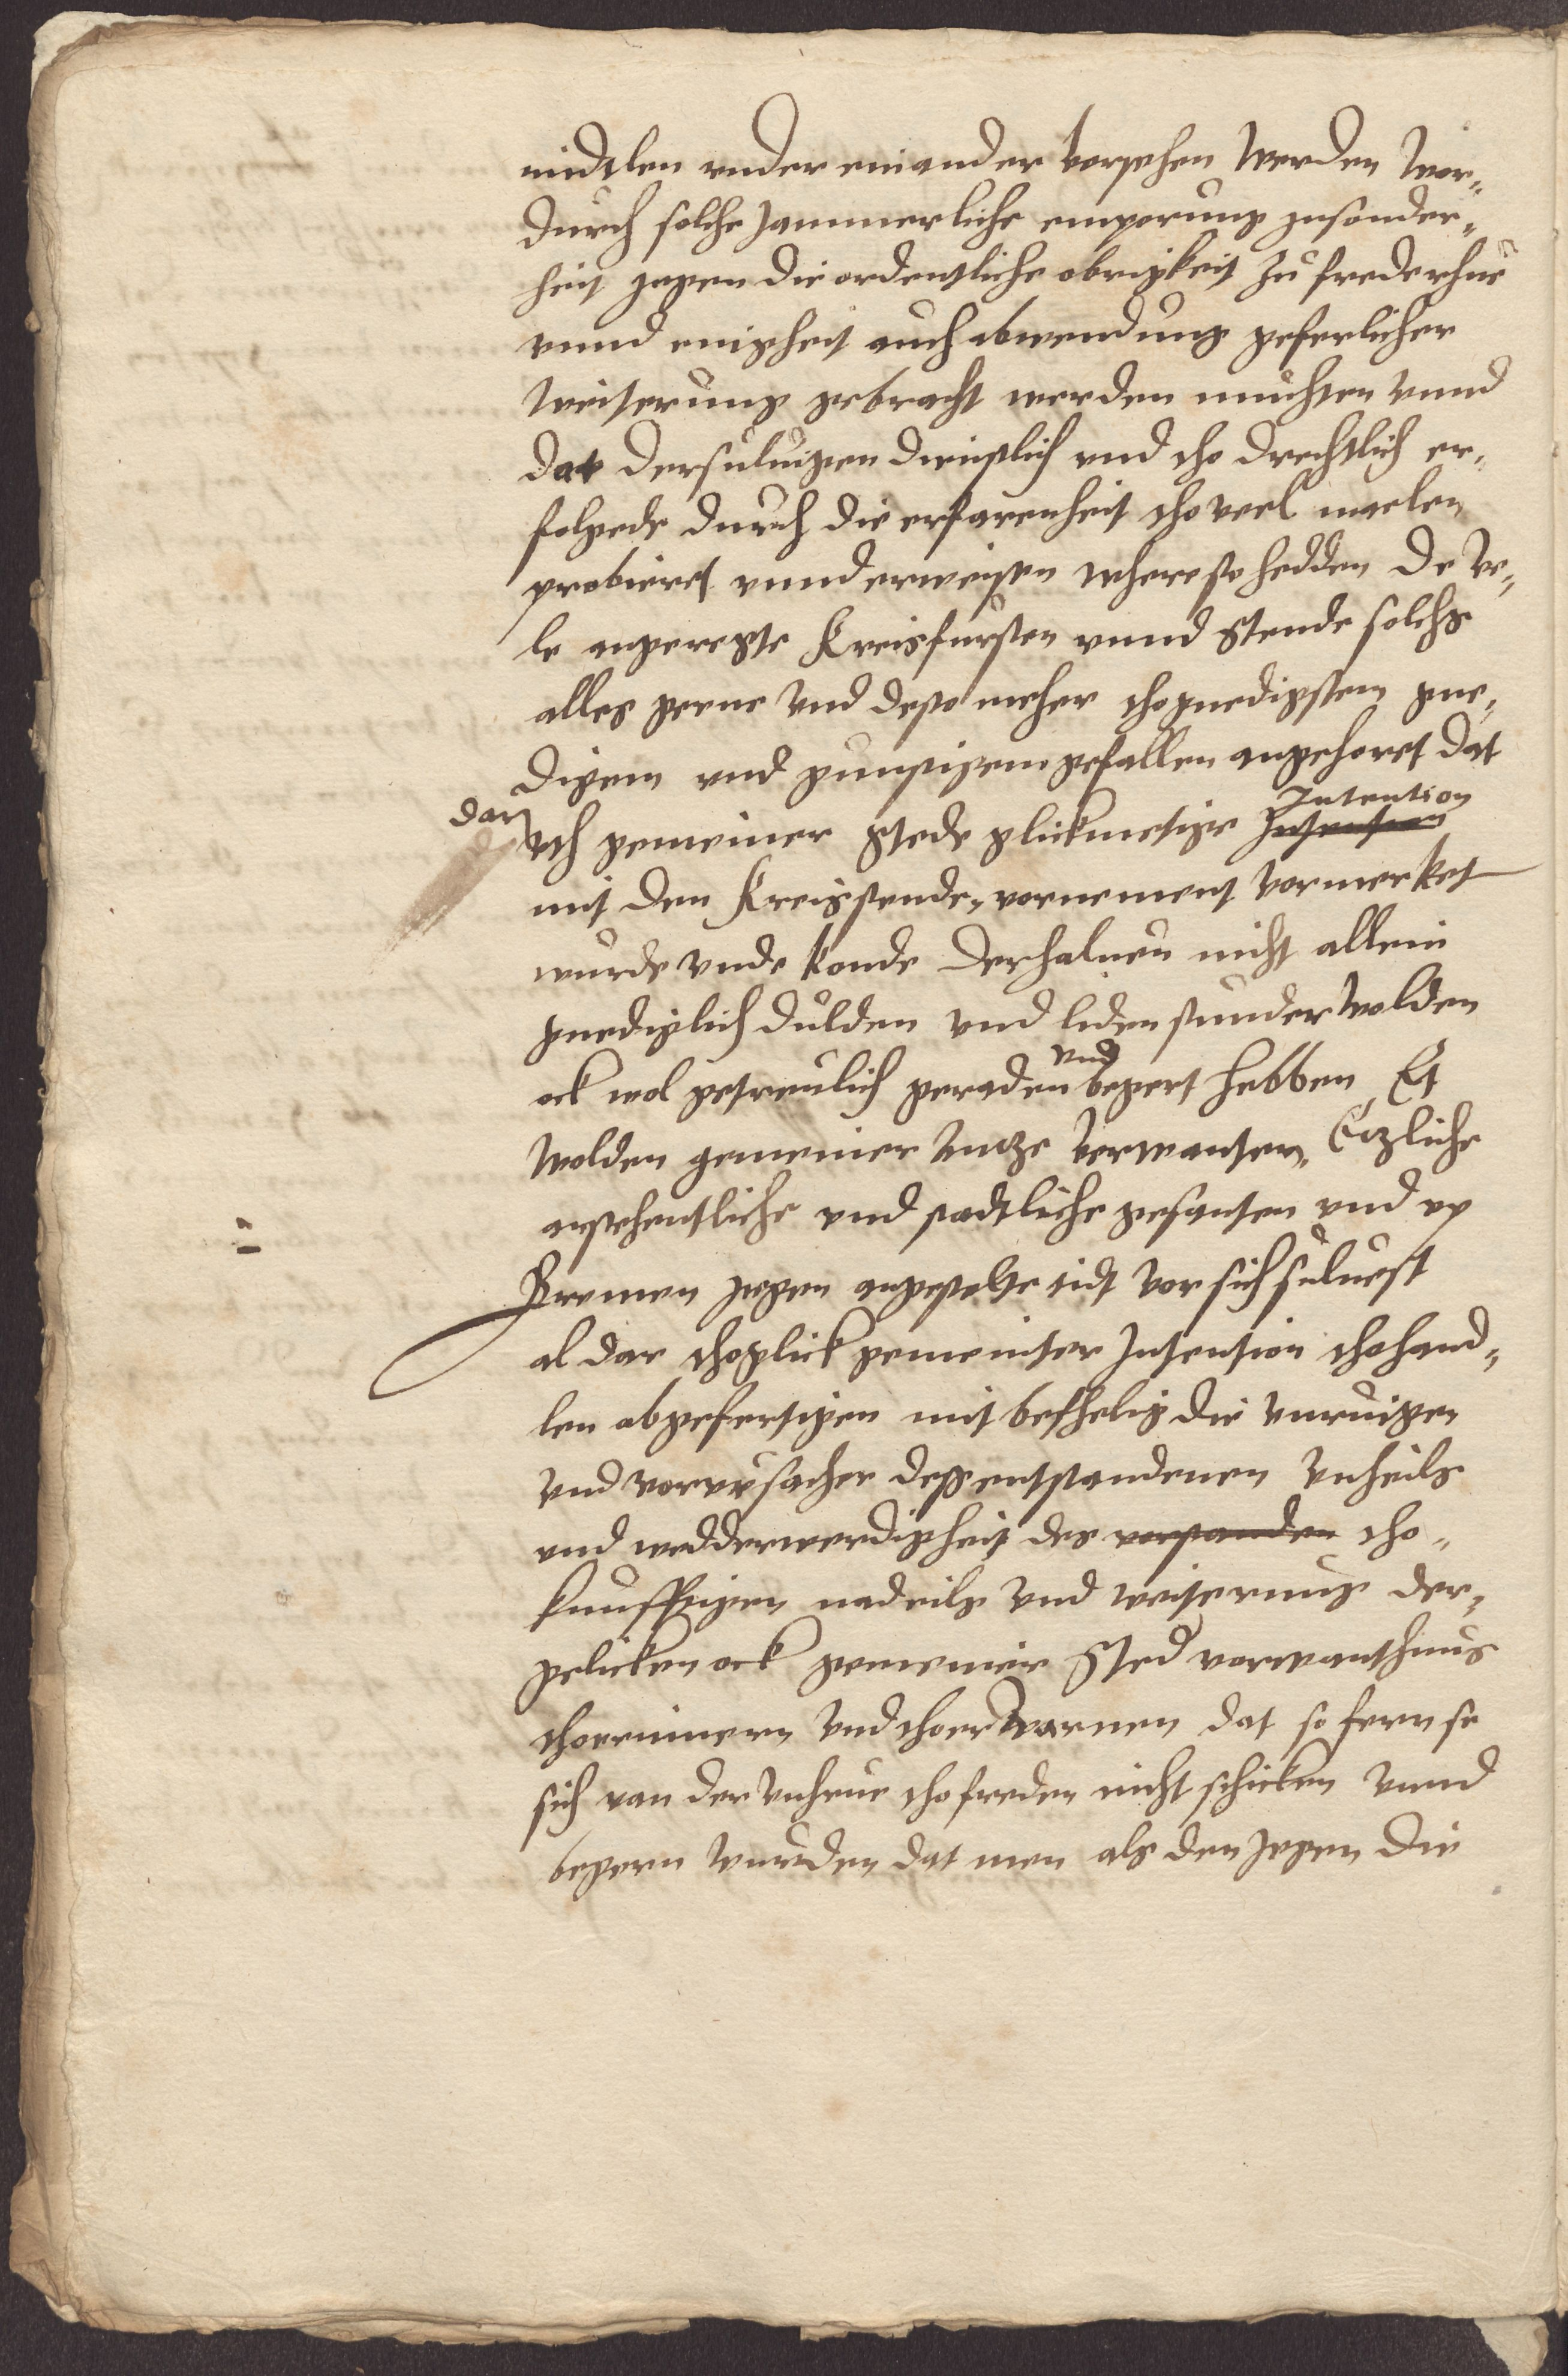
midtlen vnder einander vorsehen werden wor¬
durch solche Jammerliche emporung insonder¬
heit gegen die ordentliche obrigkeit zu frede rhue
vnnd enigheit auch abwendung geferlicher
weiterung gebracht werden muchten vnnd
dat dersuluigen dienstlich vnd tho drechtlich er¬
folgede durch die erfarenheit tho veel maelen
probieret vnnd erweisen where so hedden de ve¬
le angeregte kreisfursten vnnd Stende solchs
alles gerne vnd desto meher tho gnedigsten gne¬
digem vnd gunstigem gefallen angehoret dat
Intention
dan vth gemeiner Stede glickmetige intention
mit den Kreisstenden vornement vormerket
wurde vnde konde derhaluen nicht allein
gnediglich dulden vnd liden sunder wolden
vnd
ock wol getreulich geraden begert hebben Et
wolden gemeiner Antze verwanter Etzliche
ansehentliche vnd stadtliche gesanten vnd vp
Bremen gegen angestelte tidt vor sich suluest
al dar thoglick gemeinter Intention thohand¬
len abgefertigen mit befhelig die vnruigen
vnd vorvrsacher dess entstandenen vnheils
vnd wedderwerdigheit des vorstanden tho¬
kunfftigen nadeils vnd weiterung der¬
gelicken ock gemeiner Steder vorwanthnus
thoerinnern vnd thoerwarnen dat so fern se
sich van der vnhrue tho freden nicht schicken vnnd
begern wurden dat men als den Jegen die
